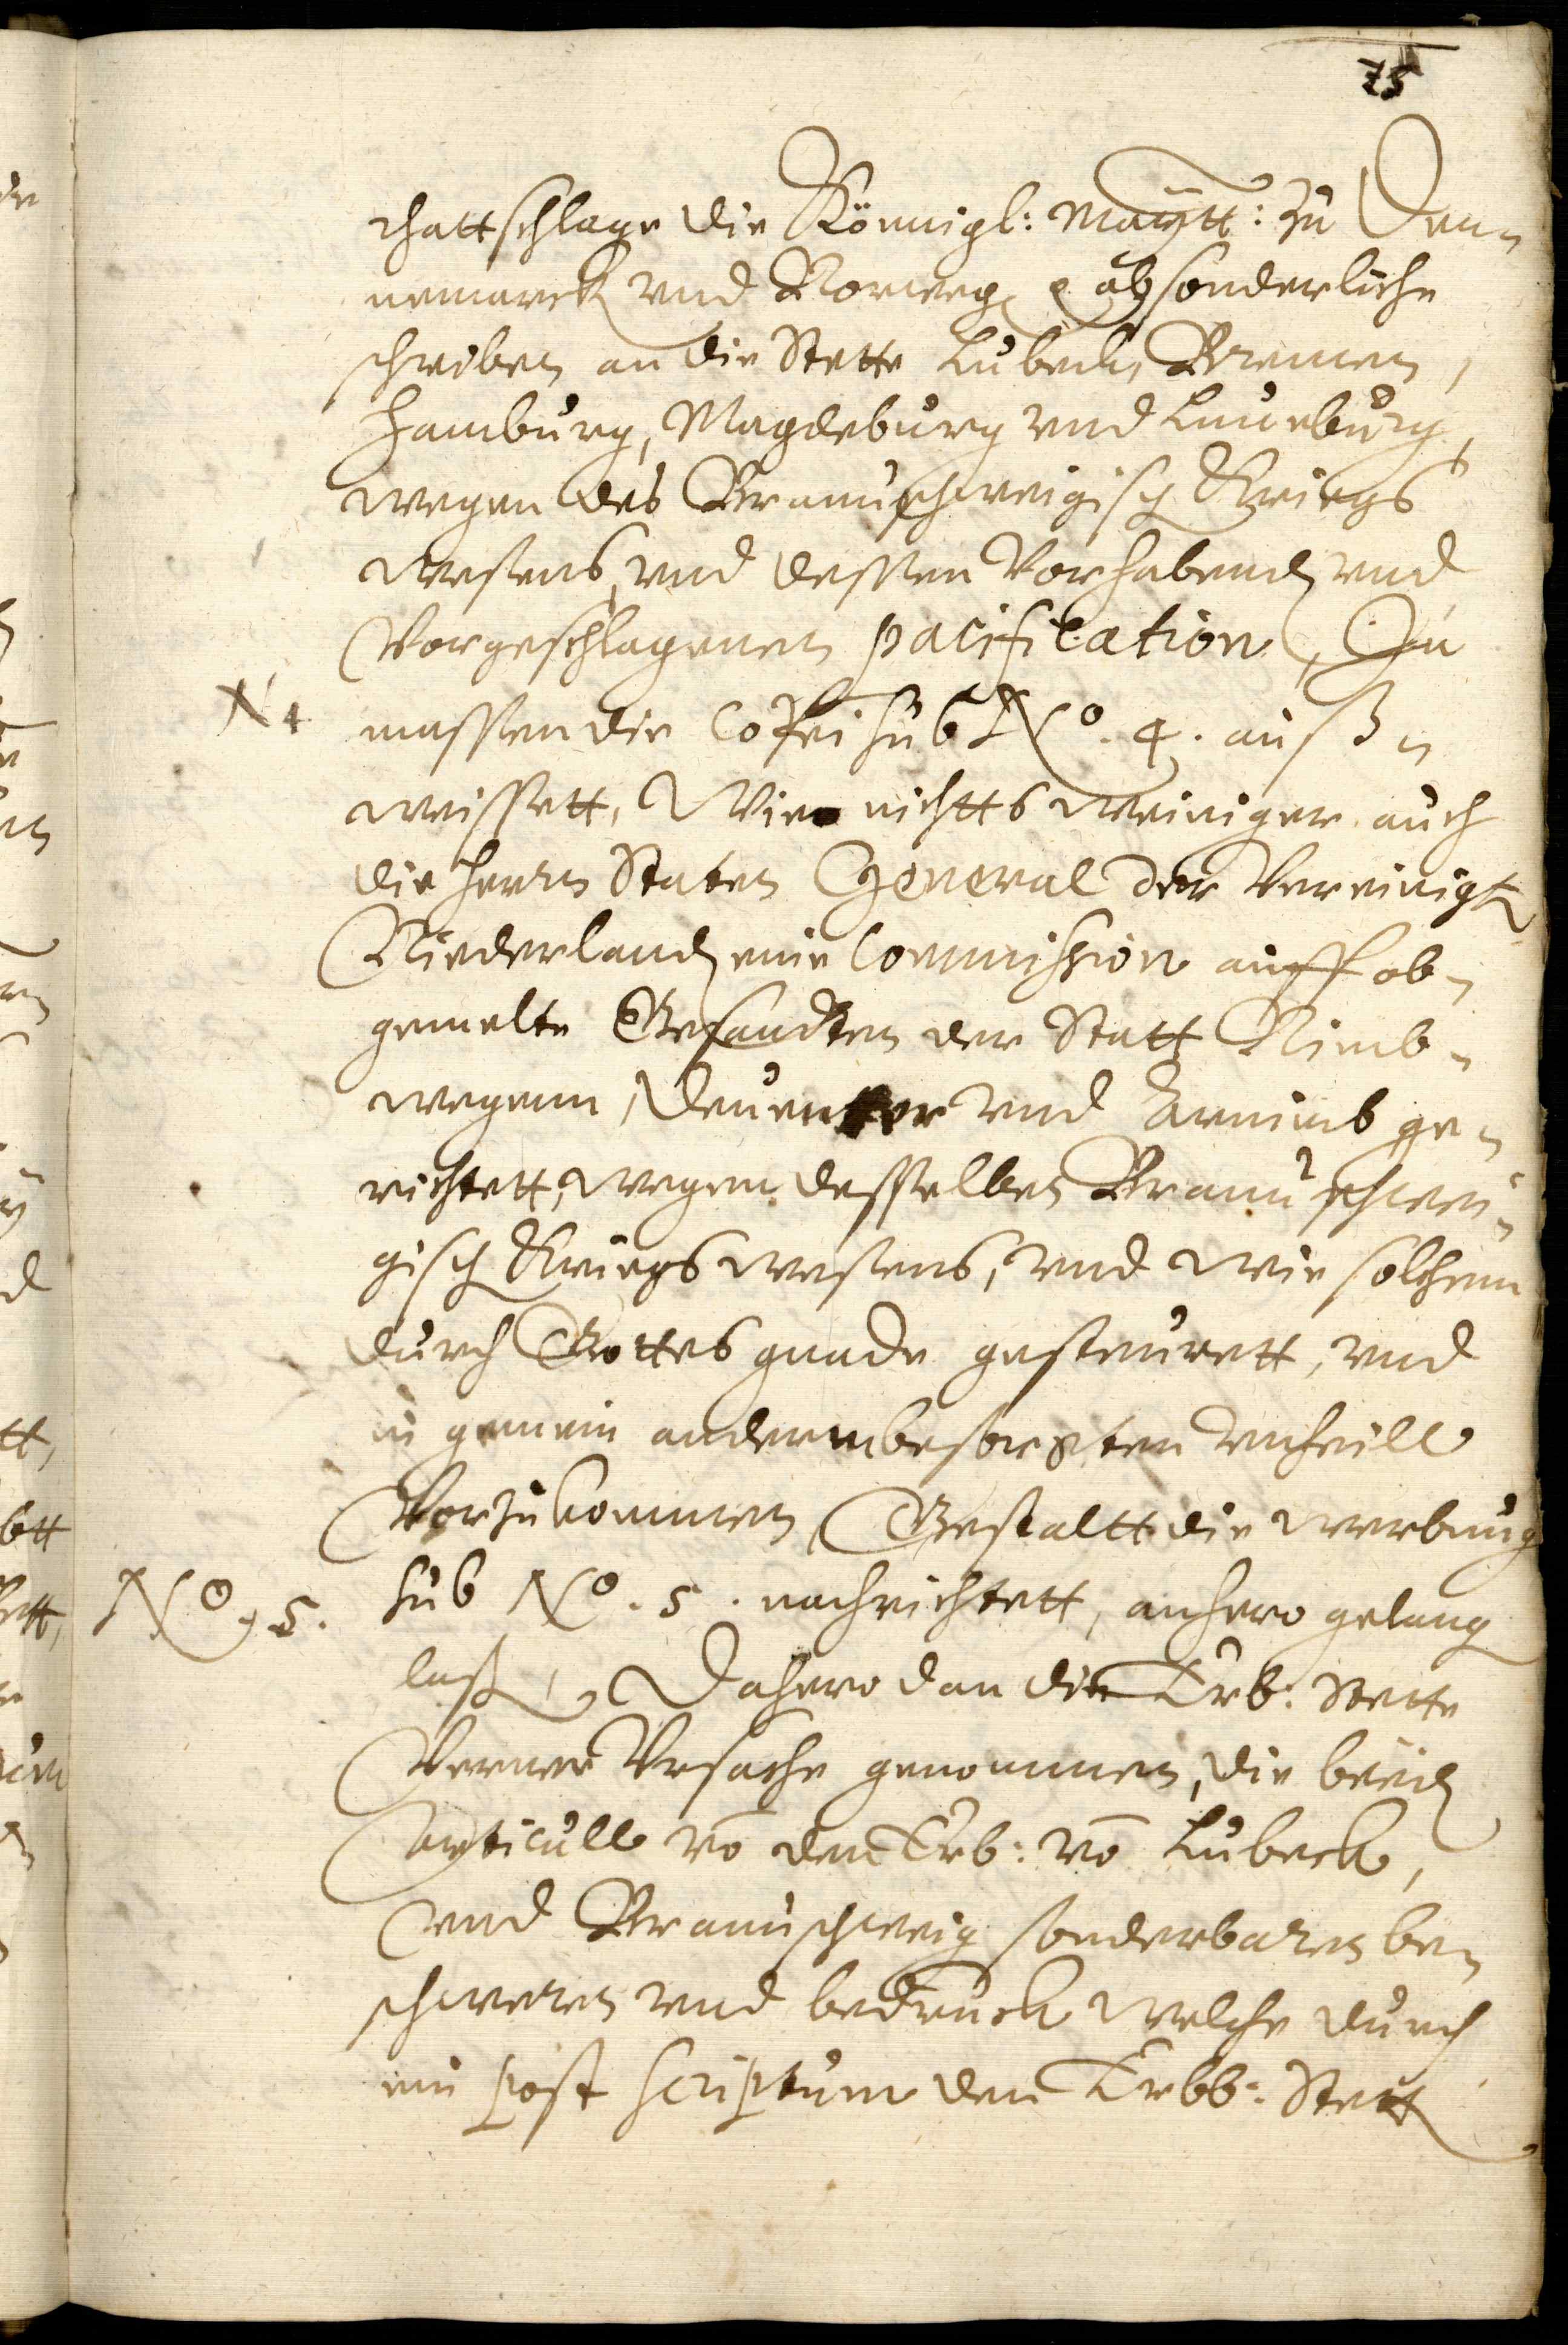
25
rhattschlage die Königl: Maijt: zu Den¬
nemarcken vnd Norwegen p absonderliche
schriben an die Stette Lubeck, Bremen,
Hamburg, Magdeburg vnd Luneburg,
wegen des Braunschweigischen Kriegs
wesens, vnd dessen Vorhabenden und
vorgeschlagenen pacification, In
massen die Copei sub No.4. auß¬
weissett, Wien nichtts weiniger auch
die herrn Staten General der Vereinigten
Niederlanden eine Commission auff ob¬
gemelte Gesandten der Statt Nimb¬
wegenn, Deuentter vnd Arnimb ge¬
richtett, wegen desselben Braunschwei¬
gischen Kriegs wesens, vnd wie solchem
durch Gottes gnade gesteurett, vnd
in gemein anderm besorgten Vnheill
Vorzukommen, Gestaltt die werbung
sub No. 5. nachrichtett, anhero gelangen
laßen, Dahero dan die Erb: Stette
verner Vrsache genommen, die beeden
Articull von den Erb: von Lubeck,
vnd Braunschweig sonderbaren be¬
schweren vnd bedruck welche durch
ein post scriptum den Erbb: Stetten
N4
No. 5
